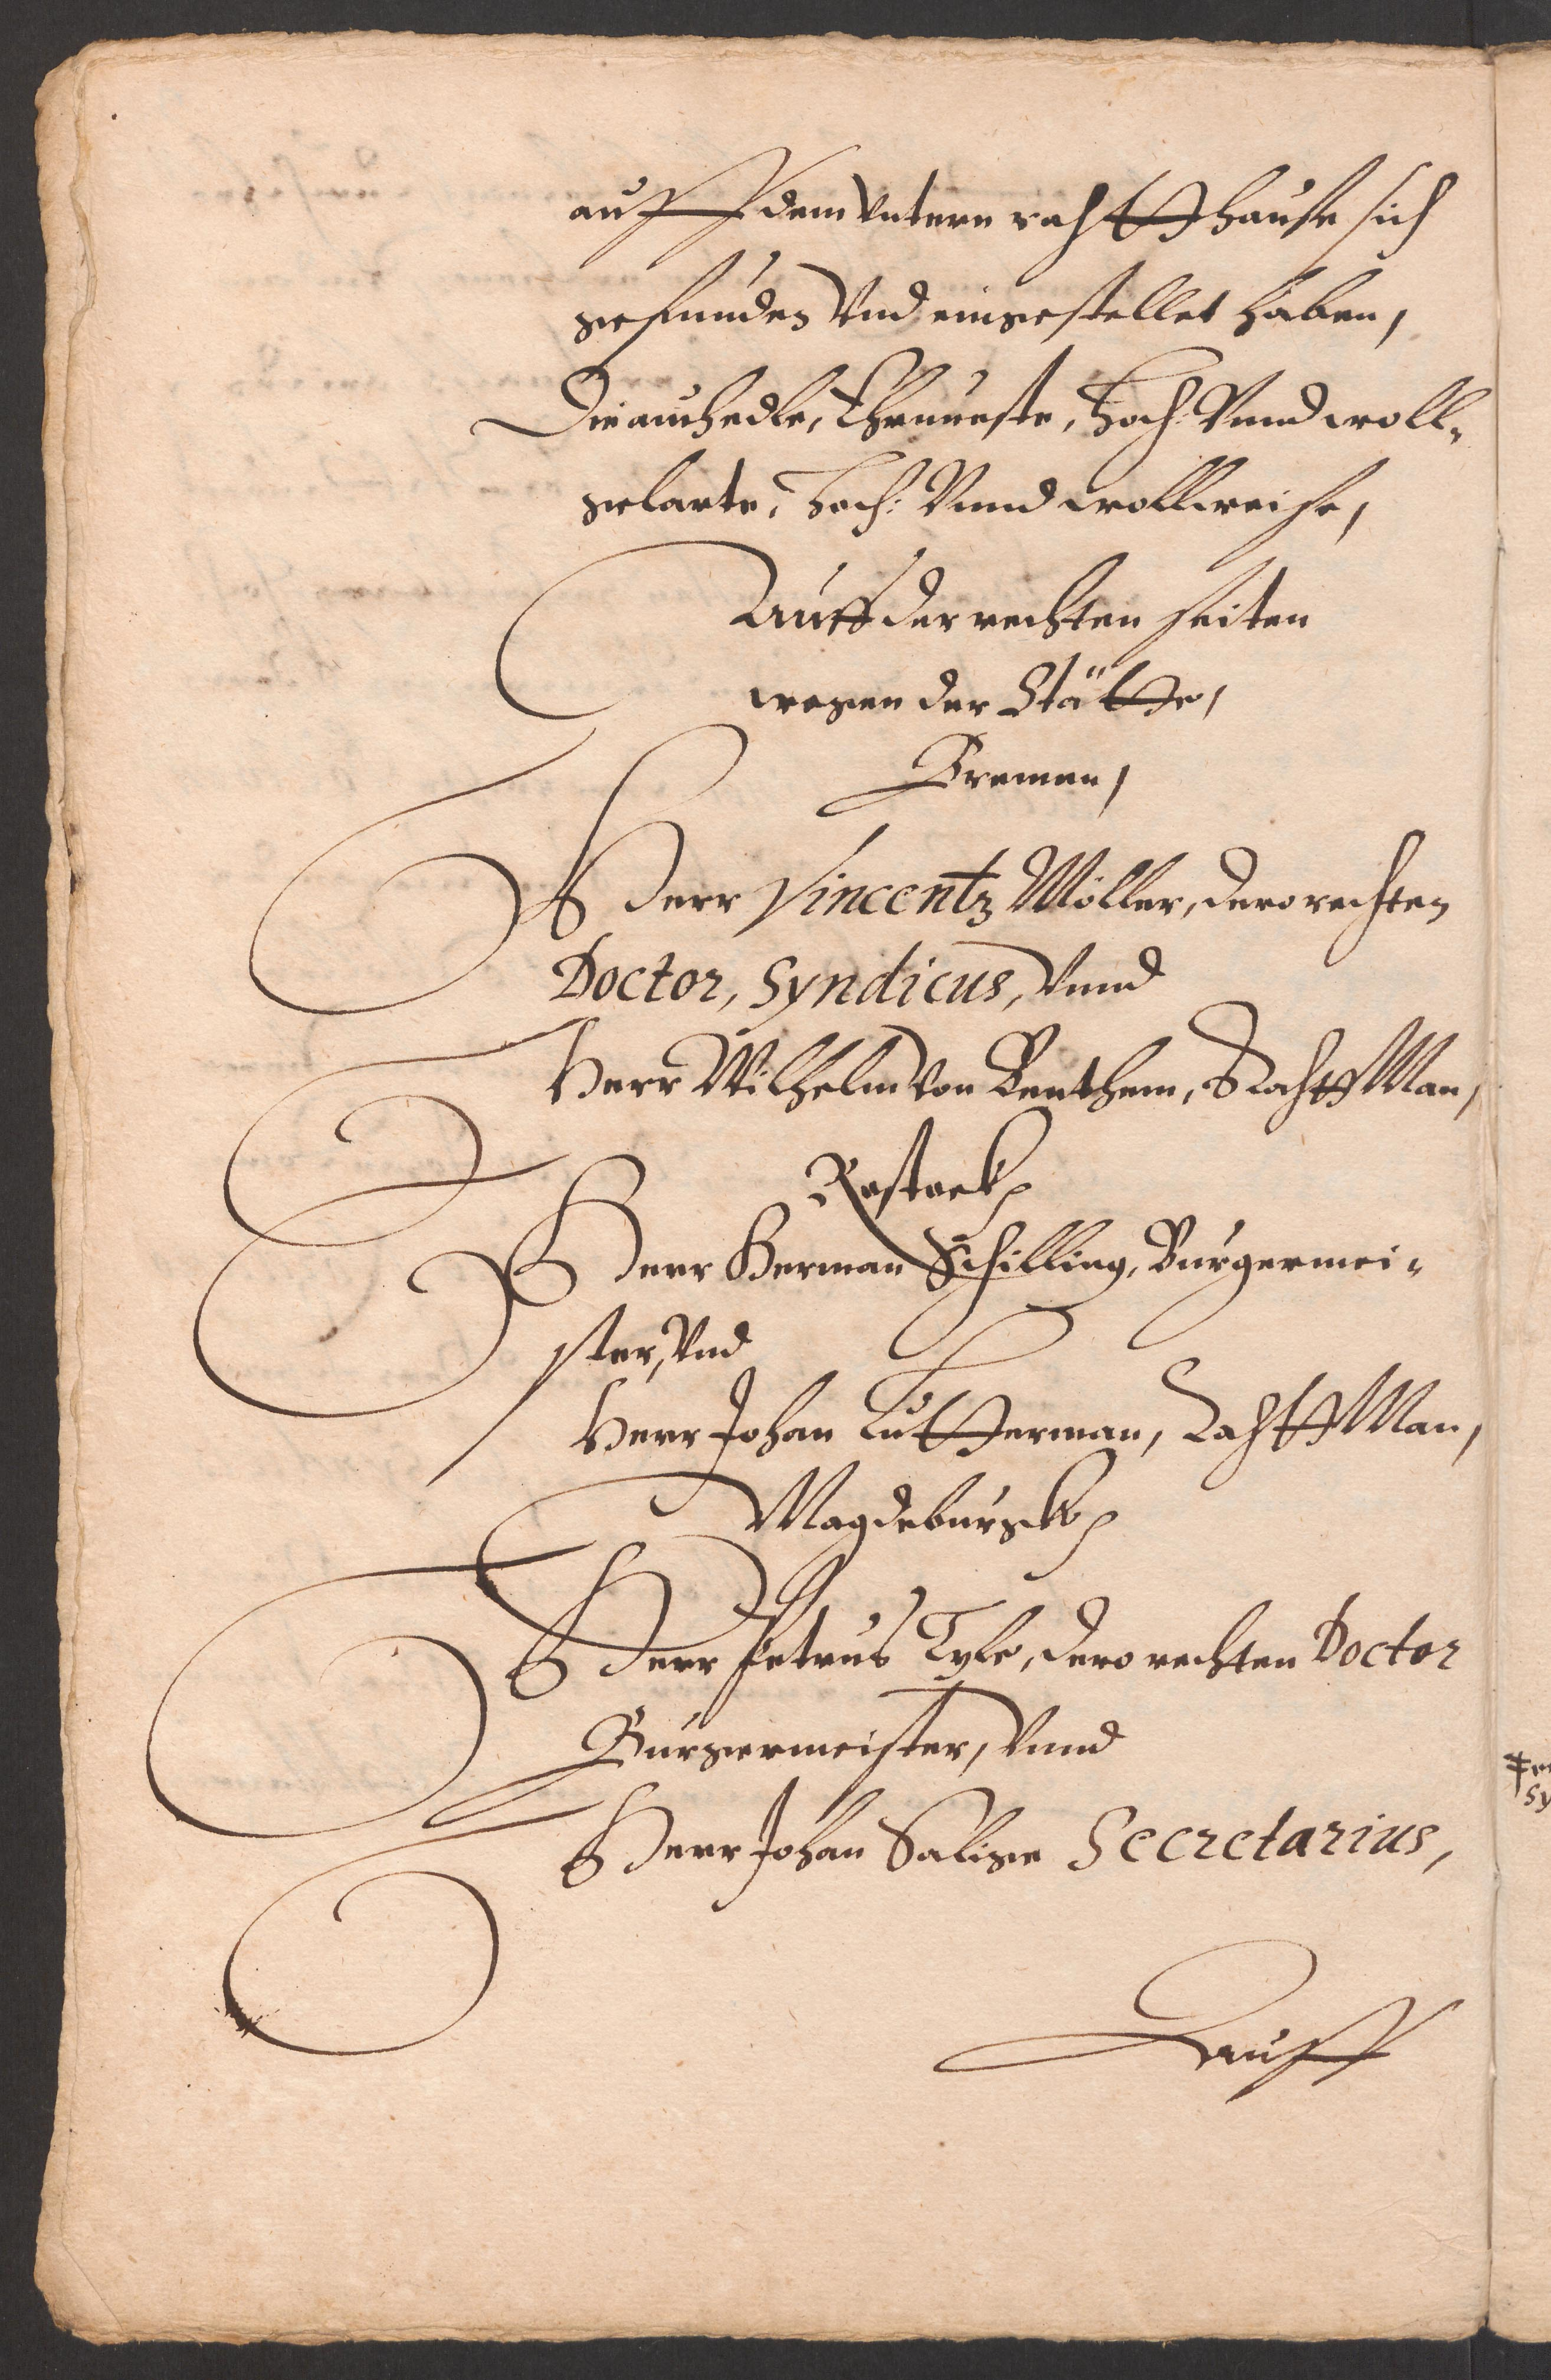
auff dem vntern rahtthause sich
gefunden vnd eingestellet haben,
die auch edle, Ehrnueste, hoch: vnnd woll¬
gelarte, hoch: vnnd wollweise,
Auff der rechten seiten
wegen der Stätte,
Bremen,
Herr Vincentz Möller, dero rechten
Doctor, Syndicus, vnnd
Herr Wilhelm von Benthem, RahttMan,
Rostock p
Herr Herman Schilling, Burgermei¬
ster, vnd
Herr Johan Lutterman, RahttMan,
Magdeburgk p
Herr Petrus Tyle, dero rechten Doctor
Burgermeister, vnnd
Herr Johan Salige Secretarius,
Auff
